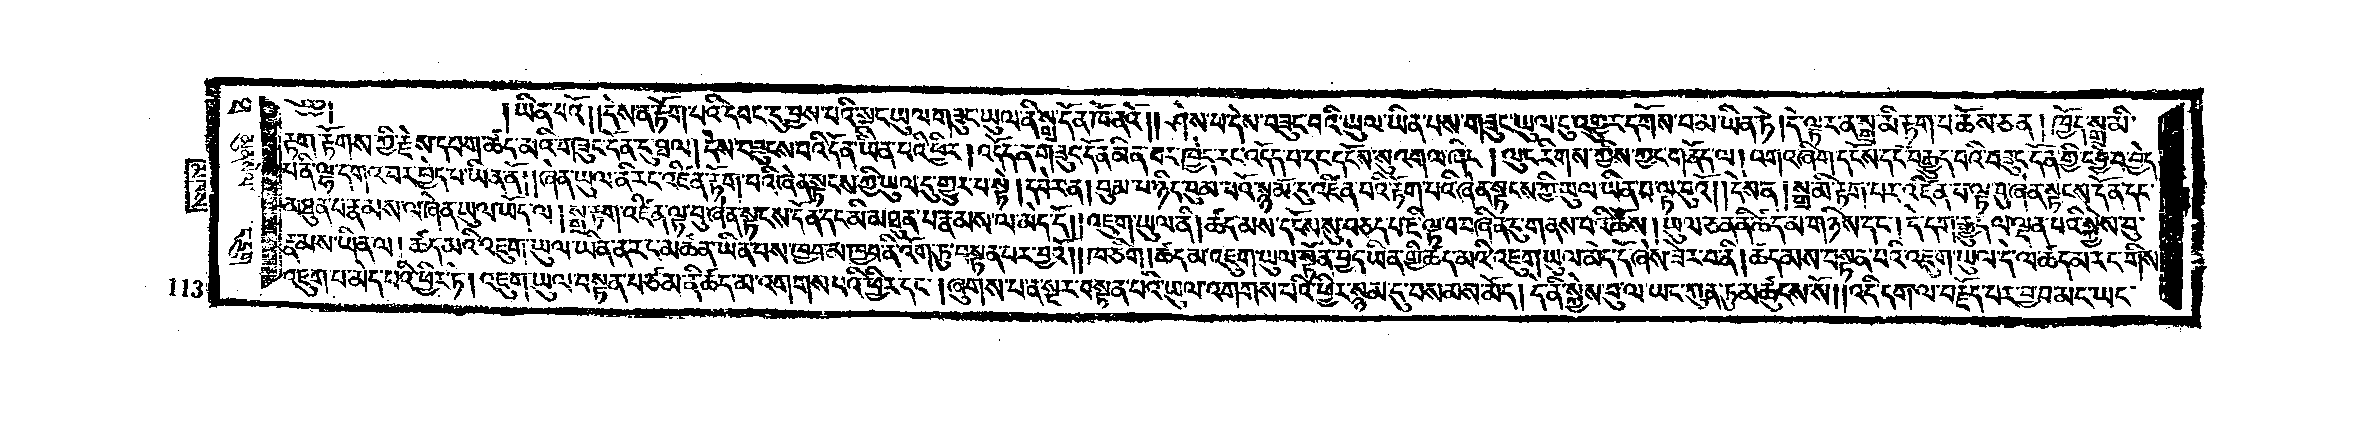༄༅། །ཡིན་པའོ། །དེས་ན་རྟོག་པའི་དབང་དུ་བྱས་པའི་སྣང་ཡུལ་གཟུང་ཡུལ་ནི་སྒྲ་དོན་ཁོ་ནའོ། ཤེས་པ་དེས་བཟུང་བའི་ཡུལ་ཡིན་པས་གཟུང་ཡུལ་དུ་འགྱུར་དགོས་པ་མ་ཡི་ཏེ། དེ་ལྟར་ན་སྒྲ་མི་རྟག་པ་ཆོས་ཅན། ཁྱོད་སྒྲ་མི་
རྟག་རྟོགས་ཀྱི་རྗེས་དཔག་ཚད་མའི་གཟུང་དོན་དུ་ཐལ། དེས་གཟུངས་བའི་དོན་ཡིན་པའི་ཕྱིར། འདོད་ན་གཟུང་དོན་མིན་པར་ཁྱོད་རང་འདོད་པ་དང་དངོས་སུ་འགལ་ཞིང་། ལུང་རིགས་ཀྱིས་ཀྱང་གནོད་ལ། འགའ་ཞིག་དངོས་དང་བརྒྱུད་པའི་བཟུང་དོན་གྱི་དབྱེ་བ་བྱེད་
པ་ནི་ལྷ་དགའ་བར་བྱེད་པ་ཡིན་ནོ། །ཞེན་ཡུལ་ནི་རང་འཛིན་རྟོག་པའི་ཞེན་སྟངས་ཀྱི་ཡུལ་དུ་གྱུར་པ་སྟེ། དཔེར་ན། བུམ་པ་ཉིད་བུམ་པའོ་སྙམ་དུ་འཛིན་པའི་རྟག་པའི་ཞེ་ན་སྟངས་ཀྱི་ཡུལ་ཡིན་པ་ལྟ་བུའོ། །དེས་ན་སྒྲ་མི་རྟག་པར་འཛིན་པ་ལྟ་བུ་ཞེ་ན་སྟངས་དོན་དང་
མཐུན་པ་རྣམས་ལ་ཞེན་ན་ཡུལ་ཡོད་ལ། སྒྲ་རྟག་འཛིན་ལྟ་བུ་ཞེ་ན་སྟངས་དོན་དང་མི་མཐུན་པ་རྣམས་ལ་མེད་དོ། །འཇུག་ཡུལ་ནི། ཚད་མས་དོངས་སུ་བཅད་པ་ཇི་ལྟ་བ་བཞི་དུ་གནས་པའི་ཆོས། ཡུལ་ཅན་ནི་ཚད་མ་གཉིས་དང་། དེ་དག་རྒྱུད་ལ་ལྡན་པའི་སྐྱེས་བུ་
རྣམས་ཡིན་ལ། ཚད་མའི་འཇུག་ཡུལ་ཡིན་ན་རང་མཚན་ཡིན་པས་ཁྱབ་མ་ཁྱབ་ནི་འོག་ཏུ་བསྟན་པར་བྱའོ། །ཁ་ཅིག། ཚད་མ་འཇུག་ཡུལ་སྟོན་བྱེད་ཡིན་གྱི་ཚད་མའི་འཇུག་ཡུལ་མེད་དོ་ཞེས་ཟེར་བ་ནི། ཚད་མས་བསྟན་པའི་འཇུག་ཡུལ་དེ་ལ་ཚད་མར་རང་གིས་
འཇུག་པ་མེད་པའི་ཕྱིར་ཏེ། འཇུག་ཡུལ་བསྟན་པ་ཙམ་ནི་ཚད་མ་འགགས་པའི་ཕྱིར་དང་། ཞུགས་པ་ན་སྔར་བསྟན་པའི་ཡུལ་འགགས་པའི་ཕྱིར་སྙམ་དུ་བསམས་མོད། དེ་ནི་སྐྱེས་བུ་ལ་ཡང་ཀུན་ཏུ་མཚུངས་སོ། །འདི་དག་ལ་བརྗོད་པར་བྱ་བ་མིང་ཡང་